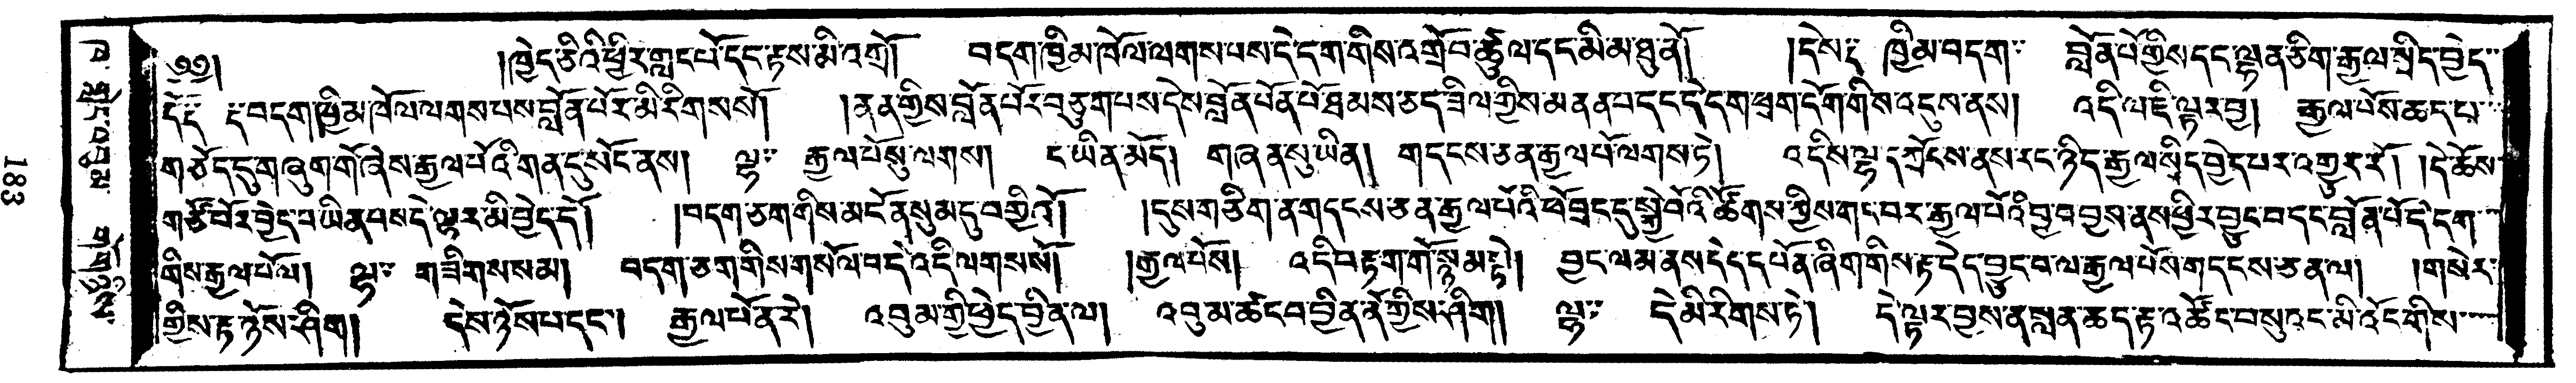༄༅། །ཁྱེད་ཅིའི་ཕྱིར་གླང་པོ་དང་རྟས་མི་འགྲོ། བདག་ཁྱིམ་ཁོལ་ལགས་པས་དེ་དག་གིས་འགྲོ་བ་ཚུལ་དང་མི་མཐུན་ནོ། །དེས༑ ཁྱིམ་བདག༑ བློན་པོ་གྱིས་དང་ལྷན་ཅིག་རྒྱལ་སྲིད་བྱེད་
དོ༑ ༑བདག་ཁྱིམ་ཁོལ་ལགས་པས་བློན་པོར་མི་རིགས་སོ། །ནན་གྱིས་བློན་པོར་བཅུག་པས་དེས་བློན་པོན་པོ་ཐམས་ཅད་ཟིལ་གྱིས་མནན་པ་དང་དེ་དག་ཕྲག་དོག་གིས་འདུས་ནས། འདི་ལ་ཇི་ལྟར་བྱ། རྒྱལ་པོས་ཆད་པ་
གཅོད་དུ་གཞུག་གོ་ཞེས་རྒྱལ་པོའི་གན་དུ་སོང་ནས། ལྷ༑ རྒྱལ་པོ་སུ་ལགས། ང་ཡིན་མོད། གཞན་སུ་ཡིན། གདངས་ཅན་རྒྱལ་པོ་ལགས་ཏེ། འདིས་ལྷ་དཀྲོངས་ནས་རང་ཉིད་རྒྱལ་སྲིད་བྱེད་པར་འགྱུར་རོ། །དེ་ཆོས་
གཙོ་བོར་བྱེད་པ་ཡིན་པས་དེ་ལྟར་མི་བྱེད་དོ། །བདག་ཅག་གིས་མངོན་སུམ་དུ་བགྱིའོ། །དུས་གཅིག་ན་གདངས་ཅན་རྒྱལ་པོའི་ཕོ་བྲང་དུ་སྐྱེ་བོའི་ཚོགས་ཀྱིས་གང་བར་རྒྱལ་པོའི་བྱ་བ་བྱས་ནས་ཕྱིར་བྱུང་བ་དང་བློན་པོ་དེ་དག་
གིས་རྒྱལ་པོ་ལ། ལྷ༑ གཟིགས་སམ། བདག་ཅག་གིས་གསོལ་བདེ་འདི་ལགས་སོ། །རྒྱལ་པོས། འདི་བརྟག་གོ་སྙམ་སྟེ། བྱང་ལམ་ནས་དེད་དཔོན་ཞིག་གིས་རྟ་དེད་བྱུང་བ་ལ་རྒྱལ་པོས་གདངས་ཅན་ལ། །གསེར་
གྱིས་རྟ་ཉོས་ཤིག། དེས་ཉོས་པ་དང་། རྒྱལ་པོ་ན་རེ། འབུམ་གྱི་ཕྱེད་བྱིན་ལ། འབུམ་ཚངས་བ་བྱིན་ནོ་གྱིས་ཤིག། ལྷ་དེ་མི་རིགས་ཏེ། དེ་ལྟར་བྱས་ན་སླན་ཆད་རྟ་འཚོང་བ་སུའང་མི་འོང་གིས་